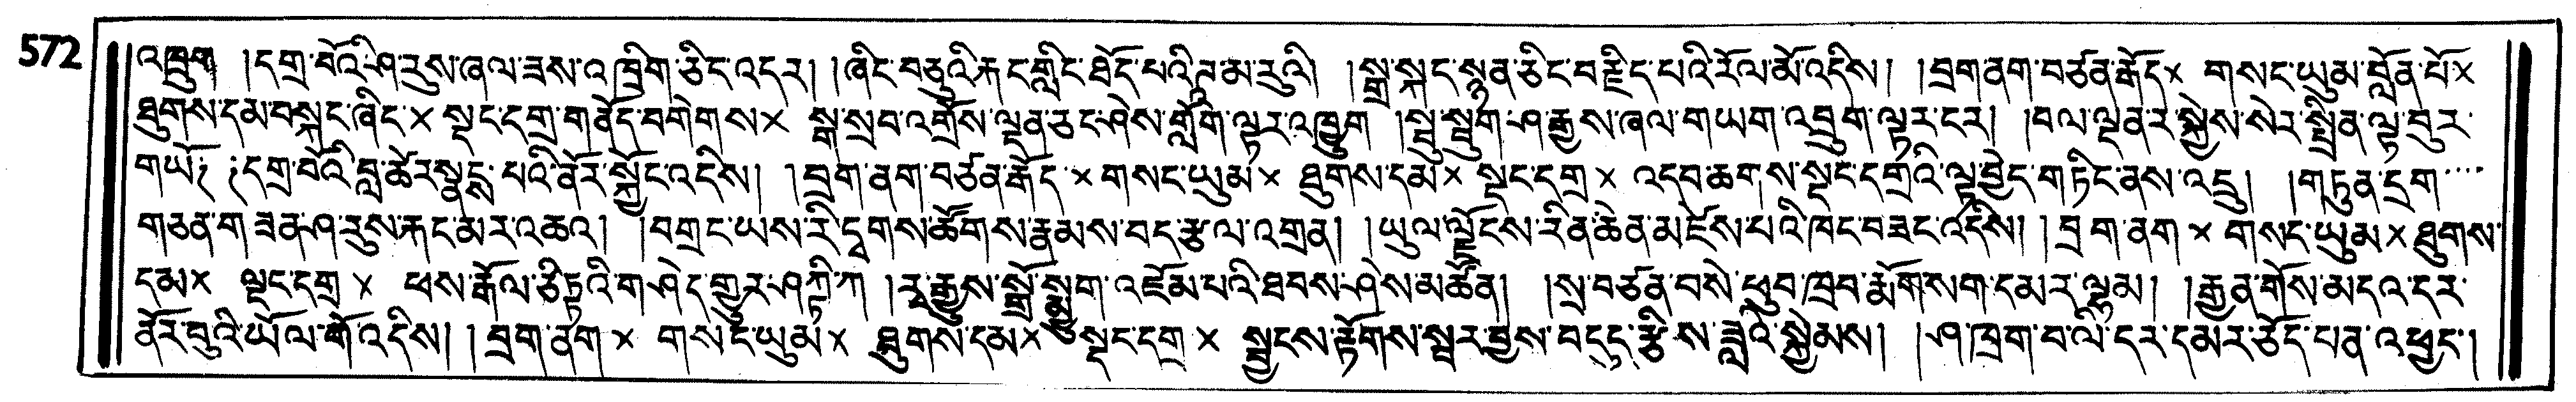འཁྲུག །དགྲ་བོའི་ཤ་རུས་ཞལ་ཟས་འཁྲིག་ཅིང་འདར། །ཞིང་བཅུའི་རྐང་གླིང་ཐོད་པའི་ཌཱ་མ་རུའི། །སྒྲ་སྐད་སྙན་ཅིང་བརྗིད་པའི་རོལ་མོ་འདིས། །བྲག་ནག་བཙན་རྒོད྾་གསང་ཡུམ་བློན་པོ྾་
ཐུགས་དམ་བསྐང་ཞིང་྾་སྡང་དགྲ་གནོད་བགེགས་྾་སྒ་སྲབ་འགྲོས་ལྡན་ཆང་ཤེས་གློག་ལྟར་འཁྱུག །སྦུ་སྦུག་ཤ་རྒྱས་ཞལ་གཡག་འབྲུག་ལྟར་ངར། །བལ་ལྡན་ར་སྐྱེས་སེར་སྤྲིན་ལྟ་བུར་
གཡོ༑ ༑དགྲ་བོའི་བླ་ཚེར་སྣངས་པའི་ནོར་སྐྱོང་འདིས། །བྲག་ནག་བཙན་རྒོད་྾་གསང་ཡུམ་྾་ཐུགས་དམ་྾་སྡང་དགྲ་྾་འདབ་ཆགས་སྡང་དགྲའི་ལྟ་བྱེད་གཏིང་ནས་འདྲུ། །གཏུན་དྲག་་་
གཅན་གཟན་ཤ་རུས་རྐང་མར་འཆའ། །བགྲང་ཡས་རི་དྭགས་ཚོགས་རྣམས་བད་རྩལ་འགྲན། །ཡུལ་ལྗོངས་རིན་ཆེན་མཛེས་པའི་ཁང་བཟང་འདིས། །བྲག་ནག྾་གསང་ཡུམ྾་ཐུགས་
དམ་྾་ལྡང་དགྲ་྾་ཕས་རྒོལ་ཙིཏྟའི་གཤེད་གྱུར་ཤཀྟི་ཀ །རྭ་རྒྱུས་སྒྲོ་སྨྱུག་འཇོམ་པའི་ཐབས་ཤེས་མཚོན། །སྲ་བཙན་བསེ་ཕུབ་ཁྲབ་རྨོག་སག་དམར་ལྷམ། །རྒྱན་གོས་མདའ་དར་
ནོར་བུའི་ཡོལ་གོ་འདིས། །བྲག་ནག་྾་གསང་ཡུམ་྾་ཐུགས་དམ་྾་སྡང་དགྲ་྾་སྦྱངས་རྟོགས་སྦར་བྱས་བདུད་རྩིས་ཟླའི་སྐྱེམས། །ཤ་ཁྲག་བ་ལི་དར་དམར་ཅོད་པན་འཕྱང་།